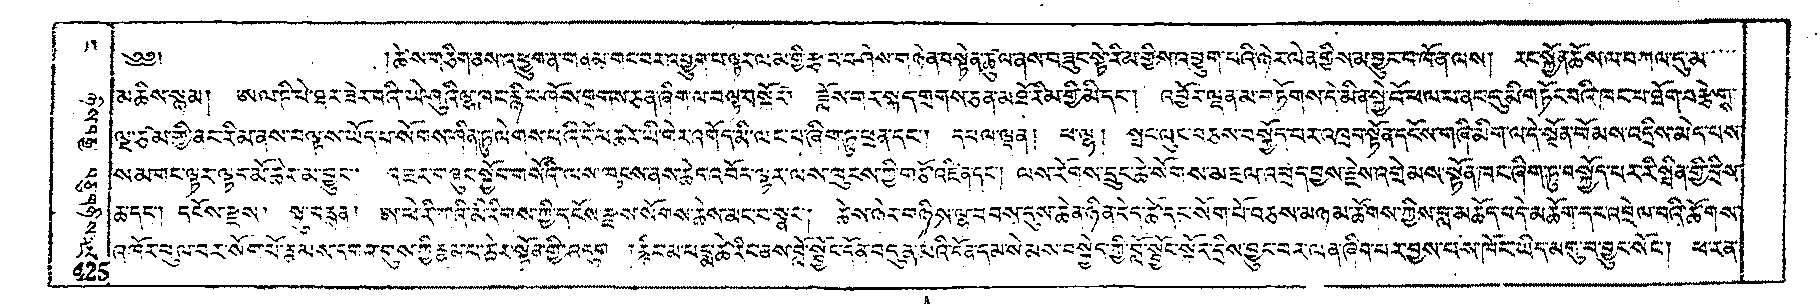༄༅། །ཚེས་གཅིག་ནས་འཕྱུག་ན་གནམ་གང་བར་འཕྱུག་པ་ལྟར་ལམ་གྱི་རྩ་བ་བཤེས་གཉེན་བསྟེན་ཚུལ་ནས་བཟུང་སྟེ་རིམ་གྱིས་འཕྱུག་པའི་ཉེར་ལེན་གྱིས་མ་བྱུང་བ་ཁོ་ན་ལས། རང་སྐྱོན་ཆོས་ལ་བཀལ་དུ་མ་
མཆིས་སྙམ། ཨལ་ཏི་པེ་ཐར་ཟེར་བའི་ཡེ་ཤུའི་ལྷ་ཁང་རྙིང་ཤོས་གྲགས་ཅན་ཞིག་ལ་བལྟ་བསྐོར། ཟློས་གར་སྐད་གྲགས་ཅན་མཐོ་རིམ་གྱི་མི་དང་། འབྱོར་ལྡན་མ་གཏོགས་དེ་མིན་སྐྱེ་བོ་ཕ་ལ་པ་ནང་དུ་མི་གཏོང་བའི་ཁང་པ་ཐོག་བརྩེགས་
ལྔ་ཙམ་གྱི་ནང་རིམ་ནས་བལྟ་ས་ཡོད་པ་སོགས་ཤིན་ཏུ་ལེགས་པའི་ངོ་མཚར་ཡི་གེར་འགོད་མི་ལང་པ་ཞིག་ཏུ་ཕྲན་དང་། དཔལ་ལྡན། ཕ་ལྷ། སྤང་ལུང་བཅས་བསྐྱོད་པར་འཁྲབ་སྟོན་དངོས་གཞི་མིག་ལ་དེ་སྔོན་གོམས་འདྲིས་མེད་པས་
སམ་གང་ལྟར་ལྟད་མོ་ཆེར་མ་བྱུང་། འཇར་གཞུང་སྐྱོབ་གསོའི་ལས་ཁུངས་ནས་ཆེད་འབོད་ལྟར་ལས་ཁུངས་ཀྱི་གཙོ་འཛིན་དང་། ལས་རོགས་དྲུང་ཆེ་སོགས་མཇལ་འཕྲད་བྱས་རྗེས་འགྲེམས་སྟོན་ཁང་ཞིག་ཏུ་བསྐྱོད་པར་རི་སྤིན་གྱི་བྲིས་
ཆ་དང་། དངོས་རྫས། སྐུ་བརྙན། ཨ་ཕེ་རི་ཀའི་མི་རིགས་ཀྱི་དངོས་རྫས་སོགས་ཆེས་མང་བ་སྣང་། ཚེས་ཉེར་གཉིས་ལྷ་བབས་དུས་ཆེན་ཉིན་ངེད་ཚོ་དང་སོག་པོ་བཅས་མཉམ་ཚོགས་ཀྱིས་བླ་མཆོད་བདེ་མཆོག་དང་འབྲེལ་བའི་ཚོགས་
འཁོར་ཕུལ་བར་སོག་པོ་རྣམས་དགའ་གུས་ཀྱི་རྣམ་པ་ཆེར་སྟོན་གྱི་འདུག །རྙིང་མ་པདམ་ཚེ་རིང་ནས་བློ་སྦྱོང་དོན་བདུན་མའི་དོན་དམ་སེམས་བསྐྱེད་ཀྱི་བློ་སྦྱོང་སྐོར་དྲིས་བྱུང་བར་ལན་ཞིབ་པར་བྱས་པས་ཁོང་ཡིད་མགུ་བ་བྱུང་སོང་། ཕ་རན་